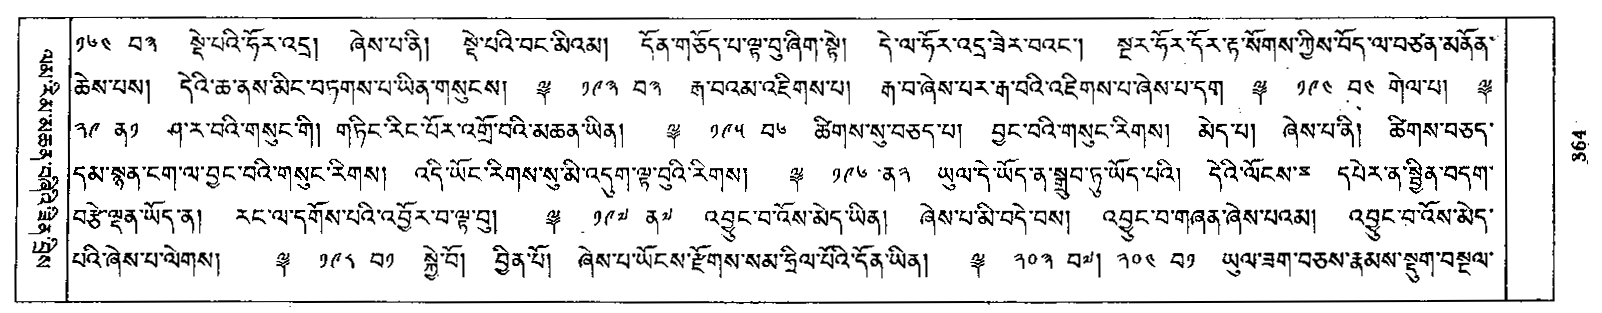༡༦༤་བ ༣་སྡེ་པའི་ཧོར་འདྲ། ཞེས་པ་ནི། སྡེ་པའི་བང་མིའམ། དོན་གཅོད་པ་ལྟ་བུ་ཞིག་སྟེ། དེ་ལ་ཧོར་འདྲ་ཟེར་བའང་། སྔར་ཧོར་དོར་རྟ་སོགས་ཀྱིས་བོད་ལ་བཙན་མནོན་
ཆེས་པས། དེའི་ཆ་ནས་མིང་བཏགས་པ་ཡིན་གསུངས། ༈ ༡༩༣་བ ༣་རྒ་བའམ་འཇིགས་པ། རྒ་བ་ཞེས་པར་རྒ་བའི་འཇིགས་པ་ཞེས་པ་དག ༈ ༡༩༤་བ ༤་གེལ་པ། ༈
༢༩་ན ༡་ཤ་ར་བའི་གསུང་གི། གཏིང་རིང་པོར་འགྲོ་བའི་མཆན་ཡིན། ༈ ༡༩༤་བ ༦་ཚིགས་སུ་བཅད་པ། བྱང་བའི་གསུང་རིགས། མེད་པ། ཞེས་པ་ནི། ཚིགས་བཅད་
དམ་སྙན་ངག་ལ་བྱང་བའི་གསུང་རིགས། འདི་ཡོང་རིགས་སུ་མི་འདུག་ལྟ་བུའི་རིགས། ༈ ༡༩༦་ན ༢་ཡུལ་དེ་ཡོད་ན་སྒྲུབ་ཏུ་ཡོད་པའི། དེའི་ལོངས་྾་དཔེར་ན་སྦྱིན་བདག་
བརྩེ་ལྡན་ཡོད་ན། རང་ལ་དགོས་པའི་འབྱོར་བ་ལྟ་བུ། ༈ ༡༩༧་ན ༧་འབྱུང་བ་འོས་མེད་ཡིན། ཞེས་པ་མི་བདེ་བས། འབྱུང་བ་གཞན་ཞེས་པའམ། འབྱུང་བ་འོས་མེད་
པའི་ཞེས་པ་ལེགས། ༈ ༡༩༨་བ ༡་སྐྱེ་བོ། བྱིན་པོ། ཞེས་པ་ཡོངས་རྫོགས་སམ་ཧྲིལ་པོའི་དོན་ཡིན། ༈ ༢༠༣་བ ༧། ༢༠༤་བ ༡་ཡུལ་ཟག་བཅས་རྣམས་སྡུག་བསྔལ་